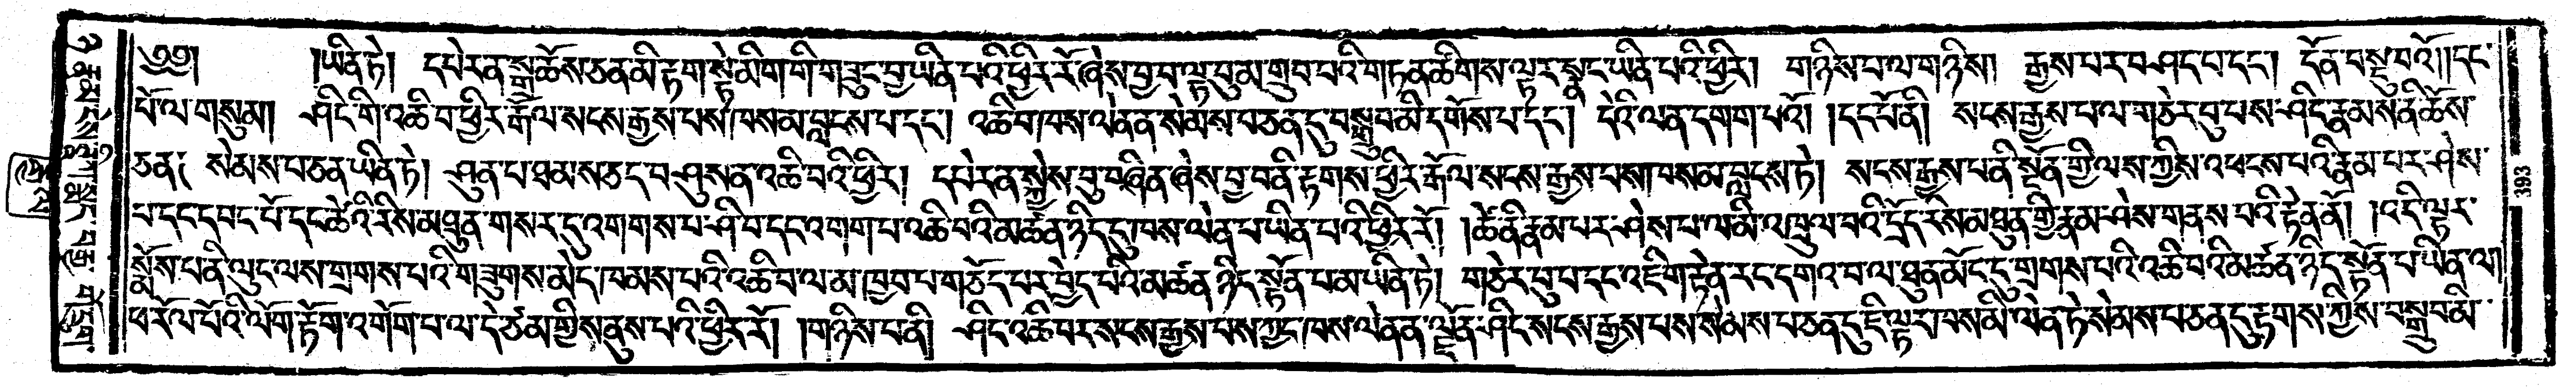༄༅། །ཡིན་ཏེ། དཔེར་ན་སྒྲ་ཆོས་ཅན་མི་རྟག་སྟེ་མིག་གི་གཟུང་བྱ་ཡིན་པའི་ཕྱིར་རོ་ཞེས་བྱ་བ་ལྟ་བུ་མ་གྲུབ་པའི་གཏན་ཚིགས་ལྟར་སྣང་ཡིན་པའི་ཕྱིར། གཉིས་པ་ལ་གཉིས། རྒྱས་པར་བཤད་པ་དང་། དོན་བསྡུ་བའོ། །དང་
པོ་ལ་གསུམ། ཤིང་གི་འཆི་བ་ཕྱིར་རྒོལ་སངས་རྒྱས་པས་ཁས་མ་བླངས་པ་དང་། འཆི་བ་ཁས་ལེན་ན་སེམས་པ་ཅན་དུ་བསྒྲུབ་མི་དགོས་པ་དང་། དེའི་ལན་དགག་པའོ། །དང་པོ་ནི། སངས་རྒྱས་པ་ལ་གཅེར་བུ་པས་ཤིང་རྣམས་ནི་ཆོས་
ཅན༑ སེམས་པ་ཅན་ཡིན་ཏེ། ཤུན་པ་ཐམས་ཅད་བཤུས་ན་འཆི་བའི་ཕྱིར། དཔེར་ན་སྐྱེས་བུ་བཞིན་ཞེས་བྱ་བ་ནི་རྟགས་ཕྱིར་རྒོལ་སངས་རྒྱས་པས་ཁས་མ་བླངས་ཏེ། སངས་རྒྱས་པ་ནི་སྔོན་གྱི་ལས་ཀྱིས་འཕངས་པའི་རྣམ་པར་ཤེས་
པ་དང་དབང་པོ་དང་ཚེའི་རིས་མཐུན་གསར་དུ་འགགས་པ་ཤི་བ་དང་འགག་པ་འཆི་བའི་མཚན་ཉིད་དུ་ཁས་ལེན་པ་ཡིན་པའི་ཕྱིར་རོ། །ཚེ་ནི་རྣམ་པར་ཤེས་པ་ལ་མི་འཁྲུལ་བའི་དྲོད་རིས་མཐུན་གྱི་རྣམ་ཤེས་གནས་པའི་རྟེན་ནོ། །འདི་ལྟར་
སྨོས་པ་ནི་ལུང་ལས་གྲངས་པའི་གཟུགས་མེད་ཁམས་པའི་འཆི་བ་ལ་མ་ཁྱབ་པ་གཅོད་པར་བྱེད་པའི་མཚན་ཉིད་སྟོན་པ་མ་ཡིན་ཏེ། གཅེར་པུ་པ་དང་འཇིག་རྟེན་རང་དགའ་བ་ལ་ཐུན་མོང་དུ་གྲགས་པའི་འཆི་བའི་མཚན་ཉིད་སྟོན་པ་ཡིན་ལ།
ཕ་རོལ་པོའི་ལོག་རྟོག་འགོག་པ་ལ་དེ་ཙམ་གྱིས་ནུས་པའི་ཕྱིར་རོ། །གཉིས་པ་ནི། ཤིང་འཆི་བར་སངས་རྒྱས་པས་ཀྱང་ཁས་ལེན་ན་ལྗོན་ཤིང་སངས་རྒྱས་པས་སེམས་པ་ཅན་དུ་ཇི་ལྟར་ཁས་མི་ལེན་ཏེ་སེམས་པ་ཅན་དུ་རྟགས་ཀྱིས་བསྒྲུབ་མི་